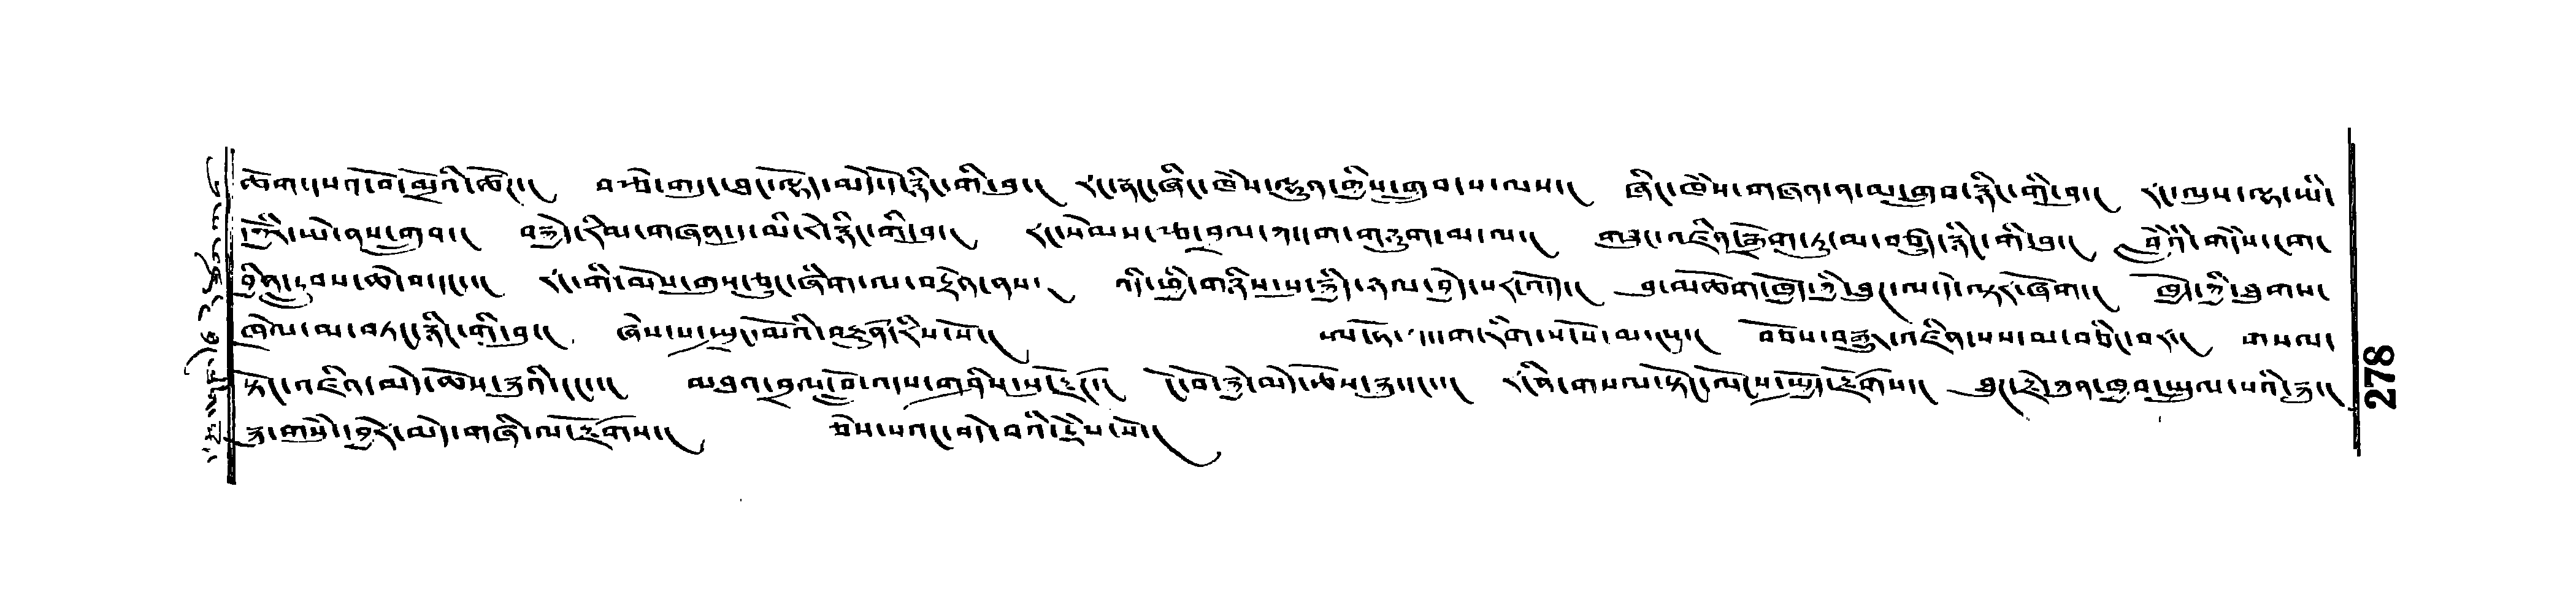ཆོག་དཔའ་བོ་མཁའ་འགྲོའི་ཚོགས། །བརྩེ་གདུང་ཐང་ལྷོད་མེད་དོ་སྙིང་གི་བུ། །རང་སྣང་ཞིང་ཁམས་ལྷུན་གྱིས་གྲུབ་པ་ལས། །ཞིང་ཁམས་གཞན་ན་མ་གྲུབ་སྙིང་གི་བུ། །རང་ལུས་ལྷ་ཡི་
དཀྱིལ་འཁོར་ཡེ་ནས་གྲུབ། །བསྐྱེད་རིམ་གཞན་དུ་མི་རེ་སྙིང་གི་བུ། །རང་སེམས་རྩ་བྲལ་ཀ་དག་གཉུག་མ་ལ། །གཟུང་འཛིན་སྒྲོག་ཏུ་མ་བཙུད་སྙིང་གི་བུ། །བླ་མའི་གདམས་ངག་
བྱིན་རླབས་ཆེ་བ་དང་། །རང་གི་མོས་གུས་ཅུང་ཞིག་ལ་བརྟེན་ནས། །འདི་ཕྱི་གཉིས་སུ་སྐྱིད་ཉལ་བྱེད་པར་འདོད། །བུ་མཆོག་ཁྱོད་ཀྱི་ཐུགས་ལ་དེ་ལྟར་ཞོག ཁྱོད་ཀྱི་ཐུགས་
ཁྲེལ་མ་བཏང་སྙིང་གི་བུ། །ཞེས་པ་སྤྲང་མོའི་བརྫུན་རིས་སོ།། ཨ་ཧོ་ཀ་དག་རིག་པ་སོ་མ་ངས། །བཅོས་བསྒྱུར་འཛིན་པས་མ་བཅིང་བར། །གསལ་
སྟོང་འཛིན་མེད་ཆོས་སྐུའི་ངང་། །མཐའ་བྲལ་བློ་འདས་གཤིས་སུ་རྫོགས། །ངོ་བོ་སྐྱེ་མེད་ཆོས་སྐུ་དང་། །རང་བཞིན་གསལ་སྟོང་ལོངས་སྤྱོད་རྫོགས། །ཐུགས་རྗེ་ཀུན་ཁྱབ་སྤྲུལ་
པའི་སྐུ། །སྐུ་གསུམ་དབྱེར་མེད་གཞི་ལ་རྫོགས། ཅེས་པའང་བདེ་བའི་རྡོ་རྗེས་སོ།།